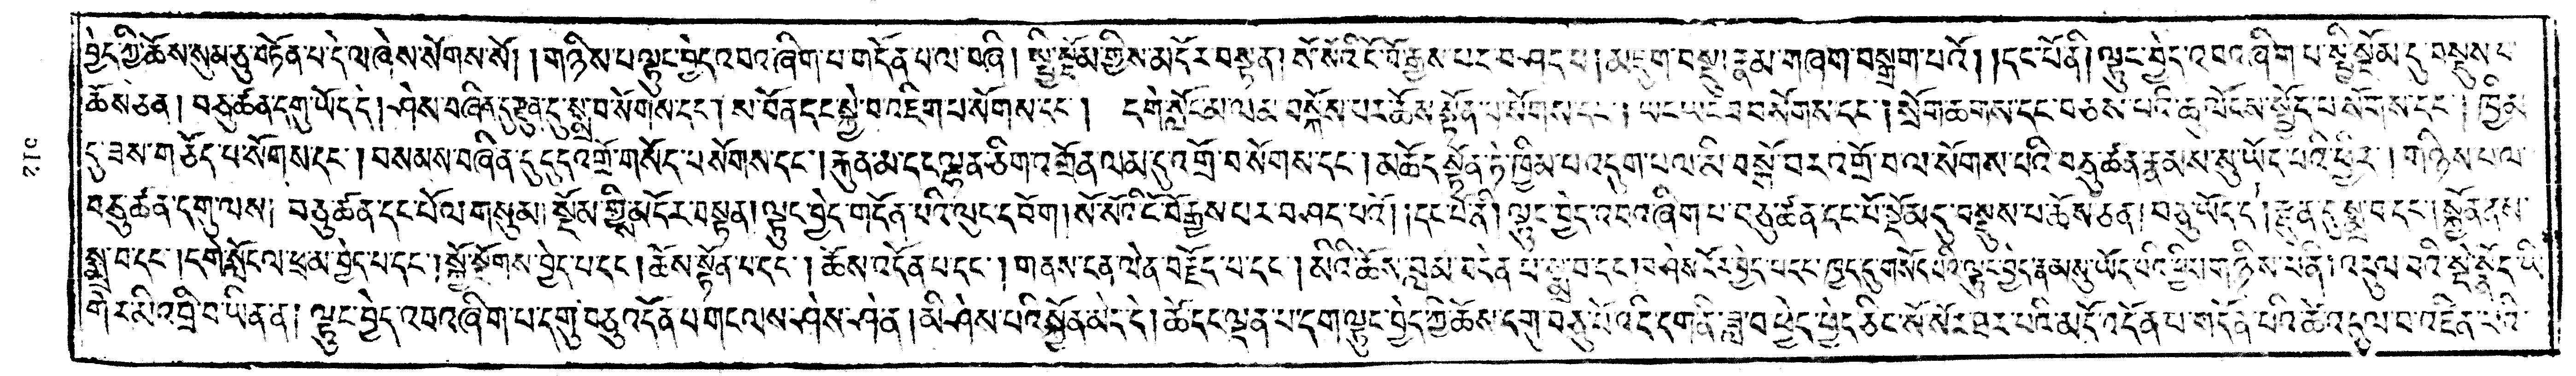བྱེད་ཀྱི་ཆོས་སུམ་ཅུ་བཏོན་པ་དེ་ལ་ཞེས་སོགས་སོ། །གཉིས་པ་ལྟུང་བྱེད་འབའ་ཞིག་པ་གདོན་པ་ལ་བཞི། སྤྱི་སྡོམ་གྱིས་མདོར་བསྟན། སོ་སོའི་ངོ་བོ་རྒྱས་པར་བཤད་པ། མཇུག་བསྡུ། རྣམ་གཞག་བསྒྲག་པའོ། །དང་པོ་ནི། ལྟུང་བྱེད་འབའ་ཞིག་པ་སྤྱི་སྡོམ་དུ་བསྡུས་པ་
ཆོས་ཅན། བཅུ་ཚན་དགུ་ཡོད་དེ། ཤེས་བཞིན་དུ་རྫུན་དུ་སྨྲ་བ་སོགས་དང་། ས་བོན་དང་སྐྱེ་བ་འཇིག་པ་སོགས་དང་། དགེ་སློང་མ་ལམ་བསྐོས་པར་ཆོས་སྟོན་པ་སོགས་དང་། ཡང་ཡང་ཟ་བ་སོགས་དང་། སྲོག་ཆགས་དང་བཅས་པའི་ཆུ་ལོངས་སྤྱོད་པ་སོགས་དང་། ཁྱིམ་
དུ་ཟས་གཅོད་པ་སོགས་དང་། བསམས་བཞིན་དུ་དུད་འགྲོ་གསོད་པ་སོགས་དང་། རྐུན་མ་དང་ལྷན་ཅིག་འགྲོན་ལམ་དུ་འགྲོ་བ་སོགས་དང་། མཆོད་སྟོན་ཏེ་ཁྱིམ་པ་འདུག་པ་ལ་མི་བསྒོ་བར་འགྲོ་བ་ལ་སོགས་པའི་བཅུ་ཚན་རྣམས་སུ་ཡོད་པའི་ཕྱིར། གཉིས་པ་ལ་
བཅུ་ཚན་དགུ་ལས། བཅུ་ཚན་དང་པོ་ལ་གསུམ། སྡོམ་གྱིས་མདོར་བསྟན། ལྟུང་བྱེད་གདོན་པའི་ལུང་དབོག། སོ་སོའི་ངོ་བོ་རྒྱས་པར་བཤད་པའོ། །དང་པོ་ནི། ལྟུང་བྱེད་འབའ་ཞིག་པ་བཅུ་ཚན་དང་པོ་སྡོམ་དུ་བསྡུས་པ་ཆོས་ཅན། བཅུ་ཡོད་དེ། རྫུན་དུ་སྨྲ་བ་དང་། སྐྱོན་ནས་
སྨྲ་བ་དང་། དགེ་སློང་ལ་ཕྲ་མ་བྱེད་པ་དང་། སྐྱོ་སྔོགས་བྱེད་པ་དང་། ཆོས་སྟོན་པ་དང་། ཆོས་འདོན་པ་དང་། གནས་ངན་ལེན་བརྗོད་པ་དང་། མིའི་ཆོས་བླ་མ་བདེན་པ་སྨྲ་བ་དང་། བཤེས་ངོར་བྱེད་པ་དང་ཁྱད་དུ་གསོད་པའི་ལྟུང་བྱེད་རྣམ་སུ་ཡོད་པའི་ཕྱིར། གཉིས་པ་ནི། འདུལ་བའི་སྡེ་སྣོད་ཡི་
གེར་མི་འབྲི་བ་ཡིན་ན། ལྟུང་བྱེད་འབའ་ཞིག་པ་དགུ་བཅུ་འདོན་པ་གང་ལས་ཤེས་ཤེ་ན། མི་ཤེས་པའི་སྐྱོན་མེད་དེ། ཚེ་དང་ལྡན་པ་དག་ལྟུང་བྱེད་ཀྱི་ཆོས་དགུ་བཅུ་པོ་འདི་དག་ནི་ཟླ་བ་ཕྱེད་ཕྱེད་ཅིང་སོ་སོར་ཐར་པའི་མདོ་འདོན་པ་གདོན་པའི་ཚེ་འདུལ་བ་འཛིན་པའི་